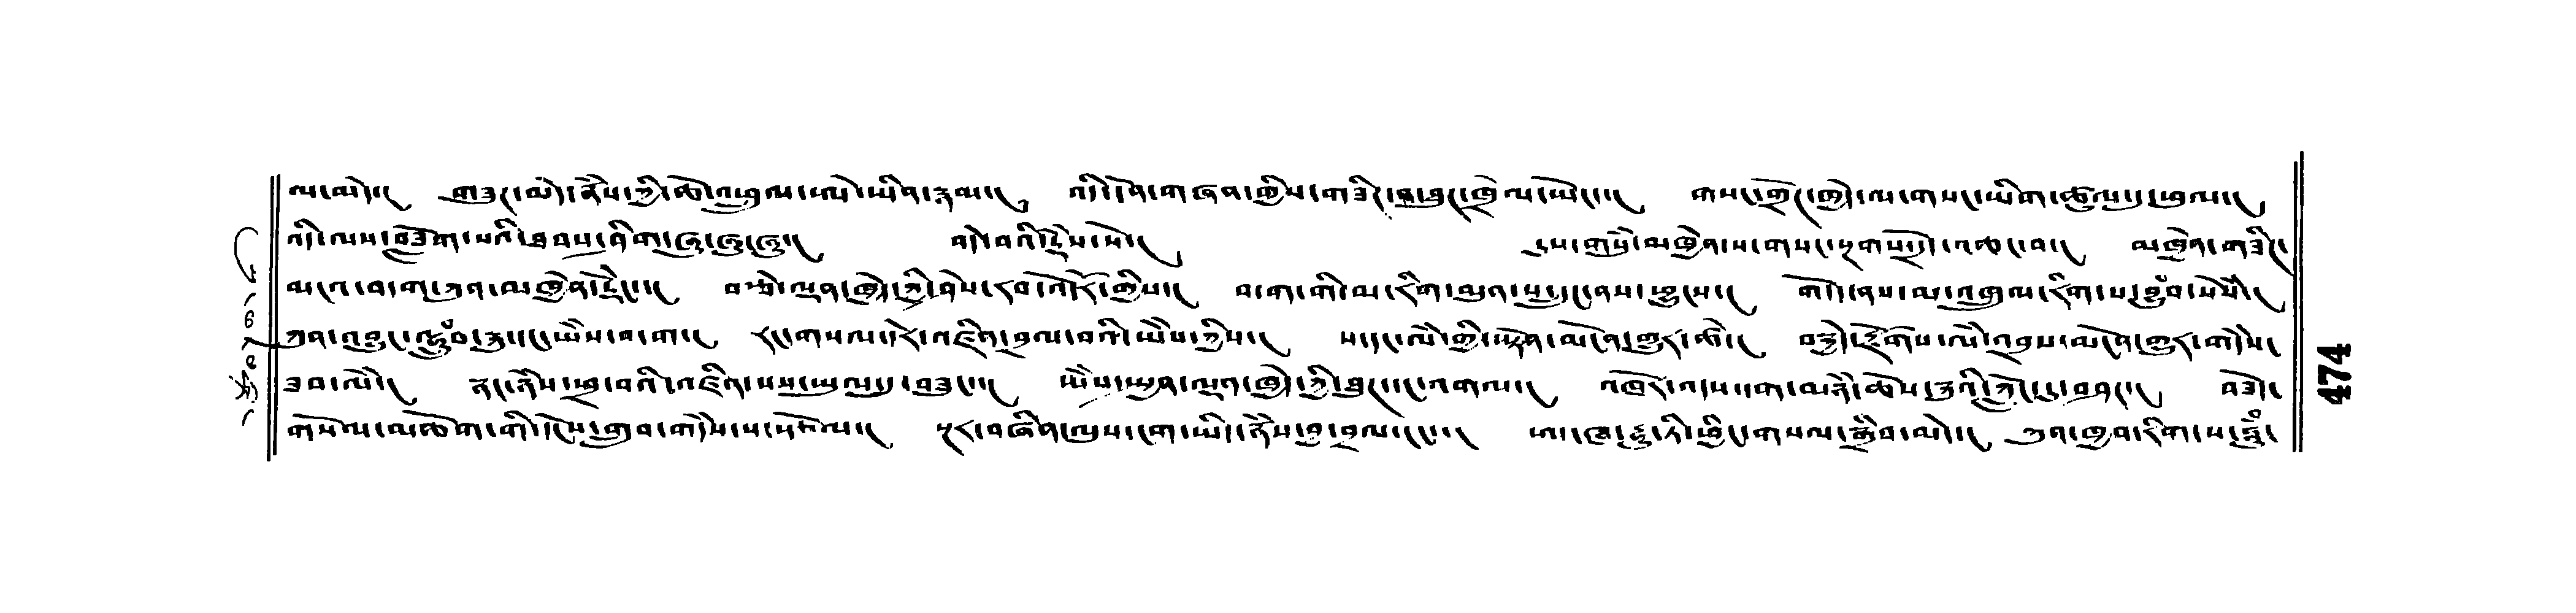ལ་མེད། །གཟུགས་མེད་རྣམས་ཀྱི་ཆོ་འཕྲུལ་ཨེ་ཡིན་སྙམ། །འདི་དོན་གཞན་གྱིས་གཟིགས་ན་ཐུགས་ཁྲེལ་ཡོང་། གསང་གྲོགས་ཁྱེད་ལ་གསང་ཡིག་ཚུལ་དུ་ཕུལ། །
འདི་ལས་བཟློག་པའི་ཐབས་ཤིག་ཞུ་ཞུ་ཞུ། བདེ་བའི་རྡོ་རྗེས་སོ།། ༈ དུས་གསུམ་མཁྱེན་པ་གསང་སྔགས་དྲོད་འཆང་བ། །མཁྱེན་གཟིགས་
མངའ་བདག་ཀུན་མཁྱེན་རྡོ་རྗེ་འཆང་། །བརྩེ་ལྡན་ཁྱེད་ཀྱི་ཤེས་རབ་འོད་ཟེར་གྱིས། །བདག་གི་མ་རིག་མུན་པ་དྲུང་ནས་ཕྱུངས། །གདོད་ནས་མ་འཁྲུལ་རིག་པ་བྱང་ཆུབ་སེམས། །
ཀུན་འབྱུང་ལྷུན་གྲུབ་སྐུ་དང་ཡེ་ཤེས་བདག །རང་གསལ་དེར་འཛིན་བྲལ་བའི་ཡེ་ཤེས་ཀྱིས། །ས་དང་ལམ་གྱི་ཡོན་ཏན་མངོན་གྱུར་ཚེ། །བསྐྱེད་རྫོགས་ལམ་འབྲས་མངོན་གྱུར་གདམས་
ཟབ་ལམ། །སྣང་ཉམས་ཕྲ་བའི་འཛིན་པས་ཡུལ་དུ་བཟུང་། །ཡེ་ཤེས་སྤྱན་ལྡན་ཁྱེད་ཀྱི་ཐུགས་དང་འགལ། །འཁོར་འདས་དག་མཉམ་ཆོས་སྐུའི་ཀློང་དུ་བཤགས། །བཟོད་
གསོལ་མཆོག་གི་དངོས་གྲུབ་གདམས་པ་སྩོལ། །སྔར་བཞིན་ལུས་ངག་ཡིད་རྣམས་བྱ་བྲལ་ངང་། །ཨ་ཝ་དྷུ་ཏི་ཕྱི་ནང་གསལ་སྒྲིབ་མེད། །ཀུན་ཁྱབ་རིག་པ་ཧཱུྃ་